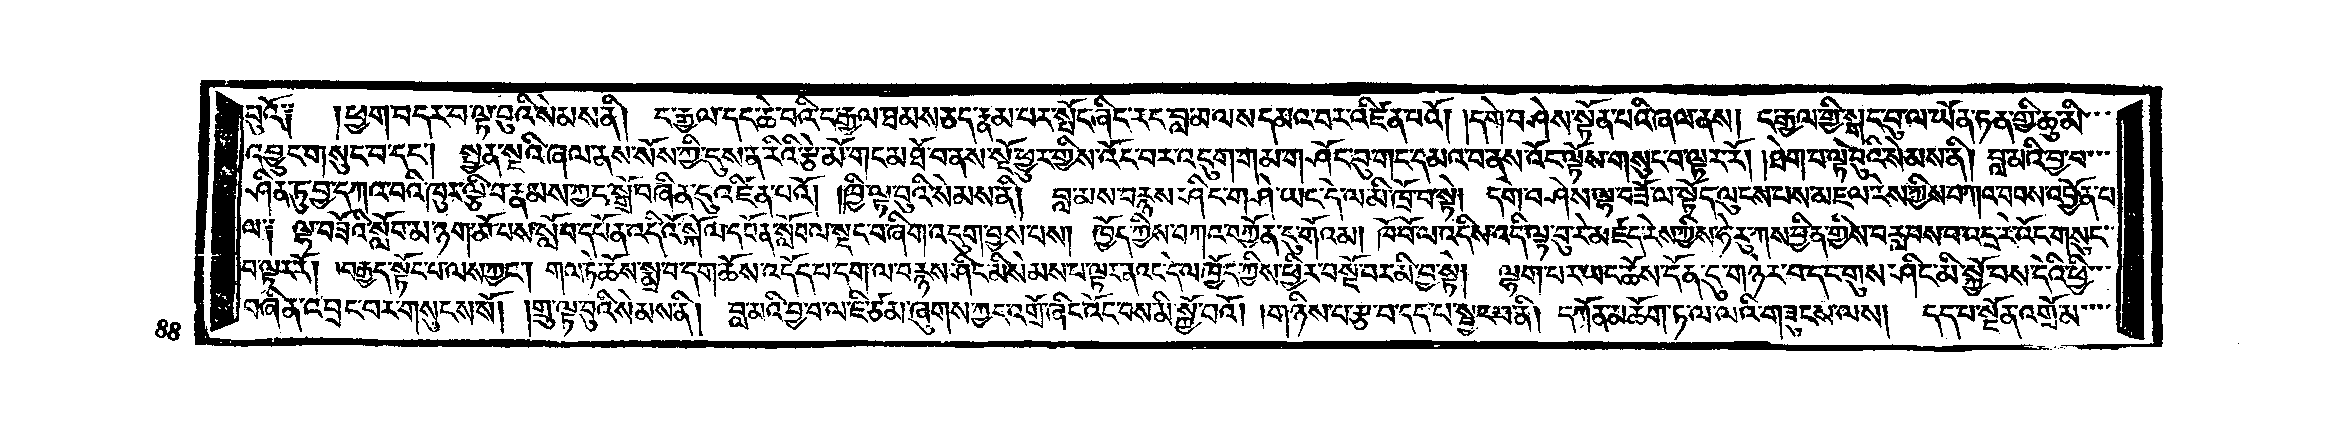བུའོ༑ ༑ཕྱག་བདར་བ་ལྟ་བུའི་སེམས་ནི། ང་རྒྱལ་དང་ཆེ་བའི་ང་རྒྱལ་ཐམས་ཅད་རྣམ་པར་སྤོང་ཞིང་རང་བླ་མ་ལས་དམའ་བར་འཛིན་པའོ། །དགེ་བཤེས་སྟོན་པའི་ཞལ་ནས། ང་རྒྱལ་གྱི་སྒང་བུ་ལ་ཡོན་ཏན་གྱི་ཆུ་མི་
འབྱུང་གསུང་བ་དང་། སྤྱན་སྔའི་ཞལ་ནས་སོས་ཀྱི་དུས་ན་རིའི་རྩེ་མོ་གང་མཐོ་བ་ནས་སྔོ་ཕྱུར་གྱིས་འོང་བར་འདུག་གམ་གཤོང་བུ་གང་དམའ་བ་ནས་འོང་ལྟོས་གསུང་བ་ལྟར་རོ། །ཐེག་པ་ལྟ་བུའི་སེམས་ནི། བླ་མའི་བྱ་བ་
ཤིན་ཏུ་བྱ་དཀའ་བའི་ཁུར་ལྕི་བ་རྣམས་ཀྱང་སྤྲོ་བཞིན་དུ་འཛིན་པའོ། །ཁྱི་ལྟ་བུའི་སེམས་ནི། བླ་མས་བརྙས་ཤིང་གཤེ་ཡང་དེ་ལ་མི་ཁྲོ་བ་སྟེ། དགེ་བཤེས་ལྷ་བཟོ་ལ་སྟོད་ལུངས་པས་མཇལ་རེས་ཀྱིས་བཀའ་བབས་འབྱོན་པ་
ལ༑ ལྷ་བཟོའི་སློབ་མ་ཉ་ག་མོ་པས་སློ་བ་དཔོན་འདི་འོ་སྐོལ་དཔོན་སློབ་ལ་སྡང་བ་ཞིག་འདུག་བྱས་པས། ཁྱོད་ཀྱིས་བཀའ་བཀྱོན་དུ་གོའམ། ཁོ་བོ་ལ་འདིས་འདི་ལྟ་བུ་རེ་མཛད་རེས་ཀྱིས་ཧེ་རུ་ཀས་བྱིན་གྱིས་བརླབས་པ་འདྲ་རེ་འོང་གསུང་
བ་ལྟར་རོ། །བརྒྱད་སྟོང་པ་ལས་ཀྱང་། གལ་ཏེ་ཆོས་སྨྲ་བ་དག་ཆོས་འདོད་པ་དག་ལ་བརྙས་ཤིང་མི་སེམས་པ་ལྟར་ནའང་དེ་ལ་ཁྱོད་ཀྱིས་ཕྱིར་བསྡོ་བར་མི་བྱ་སྟེ། ལྷག་པར་ཡང་ཆོས་དོན་དུ་གཉེར་བ་དང་གུས་ཤིང་མི་སྐྱོ་བས་དེའི་ཕྱི་
བཞིན་འབྲང་བར་གསུངས་སོ། །གྲུ་ལྟ་བུའི་སེམས་ནི། བླ་མའི་བྱ་བ་ལ་ཇི་ཙམ་ཞུགས་ཀྱང་འགྲོ་ཞིང་འོང་བས་མི་སྐྱོ་བའོ། །གཉིས་པ་རྩ་བ་དད་པ་སྦྱང་བ་ནི། དཀོན་མཆོག་ཏ་ལ་ལའི་གཟུངས་ལས། དད་པ་སྔོན་འགྲོ་མ་